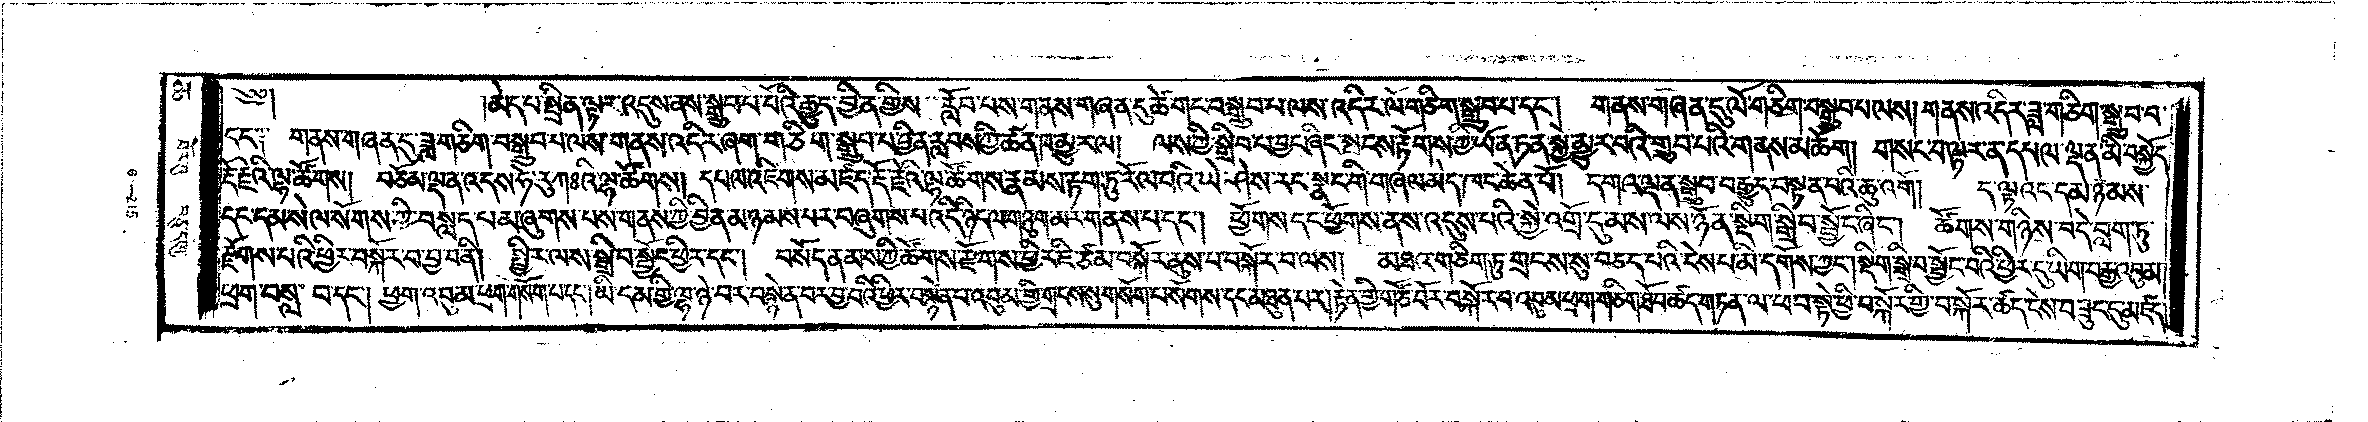༄༅། །མེད་པ་སྤྲིན་ལྟར་འདུས་ནས་སྒྲུབ་པ་པོའི་རྒྱུད་བྱིན་གྱིས་རློབ་པས་གནས་གཞན་དུ་ཚེ་གང་བསྒྲུབ་པ་ལས་འདིར་ལོ་གཅིག་སྒྲུབ་པ་དང་། གནས་གཞན་དུ་ལོ་གཅིག་བསྒྲུབ་པ་ལས། གནས་འདིར་ཟླ་གཅིག་སྒྲུབ་པ་
དང༑ གནས་གཞན་དུ་ཟླ་གཅིག་བསྒྲུབ་པ་ལས་གནས་འདིར་ཞག་གཅིག་སྒྲུབ་པ་བྱིན་རླབས་ཀྱི་ཚན་ཁ་མྱུར་ལ། ལས་ཀྱི་སྒྲིབ་པ་བྱང་ཞིང་སྤངས་རྟོགས་ཀྱི་ཡོན་ཏན་སྐྱེ་མྱུར་བའི་གྲུབ་པའི་གནས་མཆོག། གསང་བ་ལྟར་ན་དཔལ་ལྡན་མི་བསྐྱོད་
རྡོ་རྗེའི་ལྷ་ཚོགས། བཅོམ་ལྡན་འདས་ཧེ་རུ་ཀཿའི་ལྷ་ཚོགས། དཔལ་འཇིགས་མཛད་རྡོ་རྗེའི་ལྷ་ཚོགས་རྣམས་རྟག་ཏུ་རོལ་བའི་ཡེ་ཤེས་རང་སྣང་གི་གཞལ་མེད་ཁང་ཆེན་པོ། དགའ་ལྡན་སྒྲུབ་བརྒྱུད་བསྟན་པའི་ཆུ་འགོ། ད་ལྟའང་དམ་ཉམས་
དང་དམ་སེལ་སོགས་ཀྱི་བསླད་པ་མ་ཞུགས་པས་གནས་ཀྱི་བྱིན་མ་ཉམས་པར་བཞུགས་པ་འདི་ཉིད་ལ་གཉུག་མར་གནས་པ་དང་། ཕྱོགས་དང་ཕྱོགས་ནས་འདུས་པའི་སྐྱེ་འགྲོ་དུ་མས་ལས་ཉོན་སྡིག་སྒྲིབ་སྦྱོང་ཞིང་། ཚོགས་གཉིས་བདེ་བླག་ཏུ་
རྫོགས་པའི་ཕྱིར་བསྐོར་བ་བྱ་བ་ནི། སྤྱིར་ལས་སྒྲིབ་སྦྱོང་ཕྱིར་དང་། བསོད་ནམས་ཀྱི་ཚོགས་རྫོགས་ཕྱིར་ཇི་ཙམ་བསྐོར་ནུས་པ་སྐོར་བ་ལས། མཐའ་གཅིག་ཏུ་གྲངས་སུ་བཅད་པའི་ངེས་པ་མི་དགོས་ཀྱང་། སྡིག་སྒྲིབ་སྦྱོང་བའི་ཕྱིར་དུ་ཡིག་བརྒྱ་འབུམ་
ཕྲག་བསལ་བ་དང་། ཕྱག་འབུམ་ཕྲག་གསོག་པ་དང་། ཡི་དམ་གྱི་ལྷ་ཉེ་བར་བསྙེན་པར་བྱ་བའི་ཕྱིར་བསྙེན་པ་འབུམ་གྱི་གྲངས་སུ་གསོག་པ་སོགས་དང་མཐུན་པར། རྟེན་གྱི་གཙོ་བོར་བསྐོར་བ་འབུམ་ཕྲག་གཅིག་ཐོབ་ཚད་གཏན་ལ་ཕབ་སྟེ་ཕྱི་བསྐོར་གྱི་བསྐོར་ཚད་རེས་བཟུང་དུ་མཛོད་